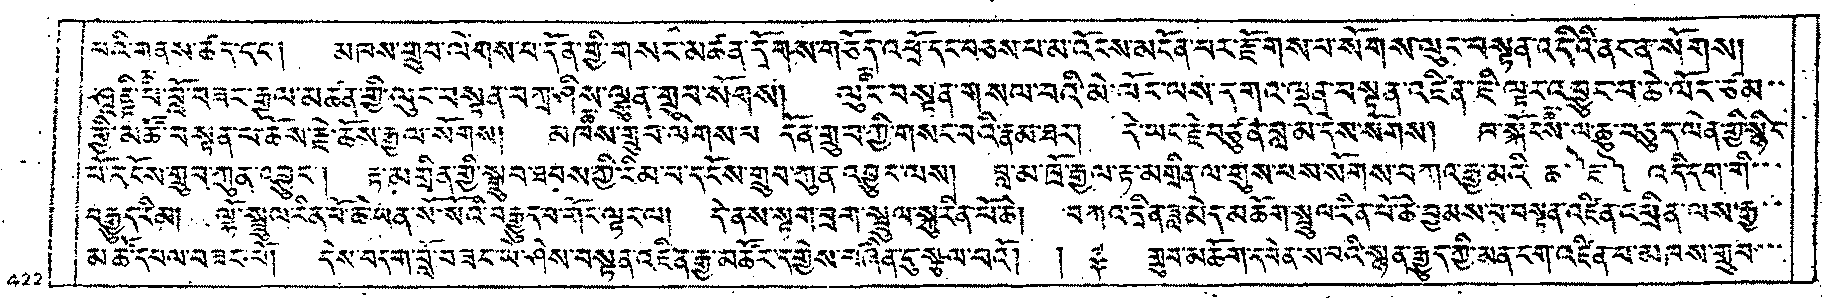པའི་གནས་ཚད་དང་། མཁས་གྲུབ་ལེགས་པ་དོན་གྱི་གསང་མཚན་དྭོགས་གཅོད་འཕྲོ་དང་བཅས་པ་མ་འོངས་མངོན་པར་རྫོགས་པ་སོགས་ལུང་བསྟན་འདིའི་ནང་ན་སོགས།
ཤཱནྟི་པ་ཆ་བློ་བཟང་རྒྱལ་མཚན་གྱི་ལུང་བསྟན་བཀྲ་ཤིས་ལྷུན་གྲུབ་སོགས། ལུང་ཆ་བསྟན་གསལ་བའི་མེ་ལོང་ལས་དགའ་ལྡན་བསྟན་འཛིན་ཇི་ལྟར་འབྱུང་བ་ཆེ་ལོང་ཙམ་
གྱི་མཚོ་བསྟན་པ་ཆོས་རྗེ་ཆོས་རྒྱལ་སོགས། མཁས་ཆ་གྲུབ་ལེགས་པ་དོན་གྲུབ་ཀྱི་གསང་བའི་རྣམ་ཐར། དེ་ཡང་རྗེ་བཙུན་བླ་མ་དེས་སོགས། ཁ་སྐོངས་ཆ་ལ་ཆུ་བཅུད་ལེན་གྱི་སྙིང་
པོ་དངོས་གྲུབ་ཀུན་འབྱུང་། རྟ་མགྲིན་གྱི་སྒྲུབ་ཐབས་ཀྱི་རིམ་པ་དངོས་གྲུབ་ཀུན་འབྱུང་ལས། བླ་མ་ཁྲོ་རྒྱལ་རྟ་མགྲིན་ལ་གུས་པས་སོགས་བཀའ་རྒྱ་མའི་ཆ྄་ཇ྄་འདི་དག་གི་
བརྒྱུད་རིམ། ལྷོ་སྤྲུལ་རིན་པོ་ཆེ་ཡན་སོ་སོའི་བརྒྱུད་པ་གོང་ལྟར་ལ། དེ་ནས་སྟག་བྲག་སྤྲུལ་སྐུ་རིན་པོ་ཆེ། བཀའ་དྲིན་ཟླ་མེད་མཆོག་སྤྲུལ་རིན་པོ་ཆེ་བྱམས་པ་བསྟན་འཛིན་འཕྲིན་ལས་རྒྱ་
མཚོ་དཔལ་བཟང་པོ། དེས་བདག་བློ་བཟང་ཡེ་ཤེས་བསྟན་འཛིན་རྒྱ་མཚོར་དགྱེས་བཞིན་དུ་སྩལ་བའོ། ། ༈ གྲུབ་མཆོག་དབེན་ས་པའི་སྙན་རྒྱུད་ཀྱི་མན་ངག་འཛིན་པ་མཁས་གྲུབ་